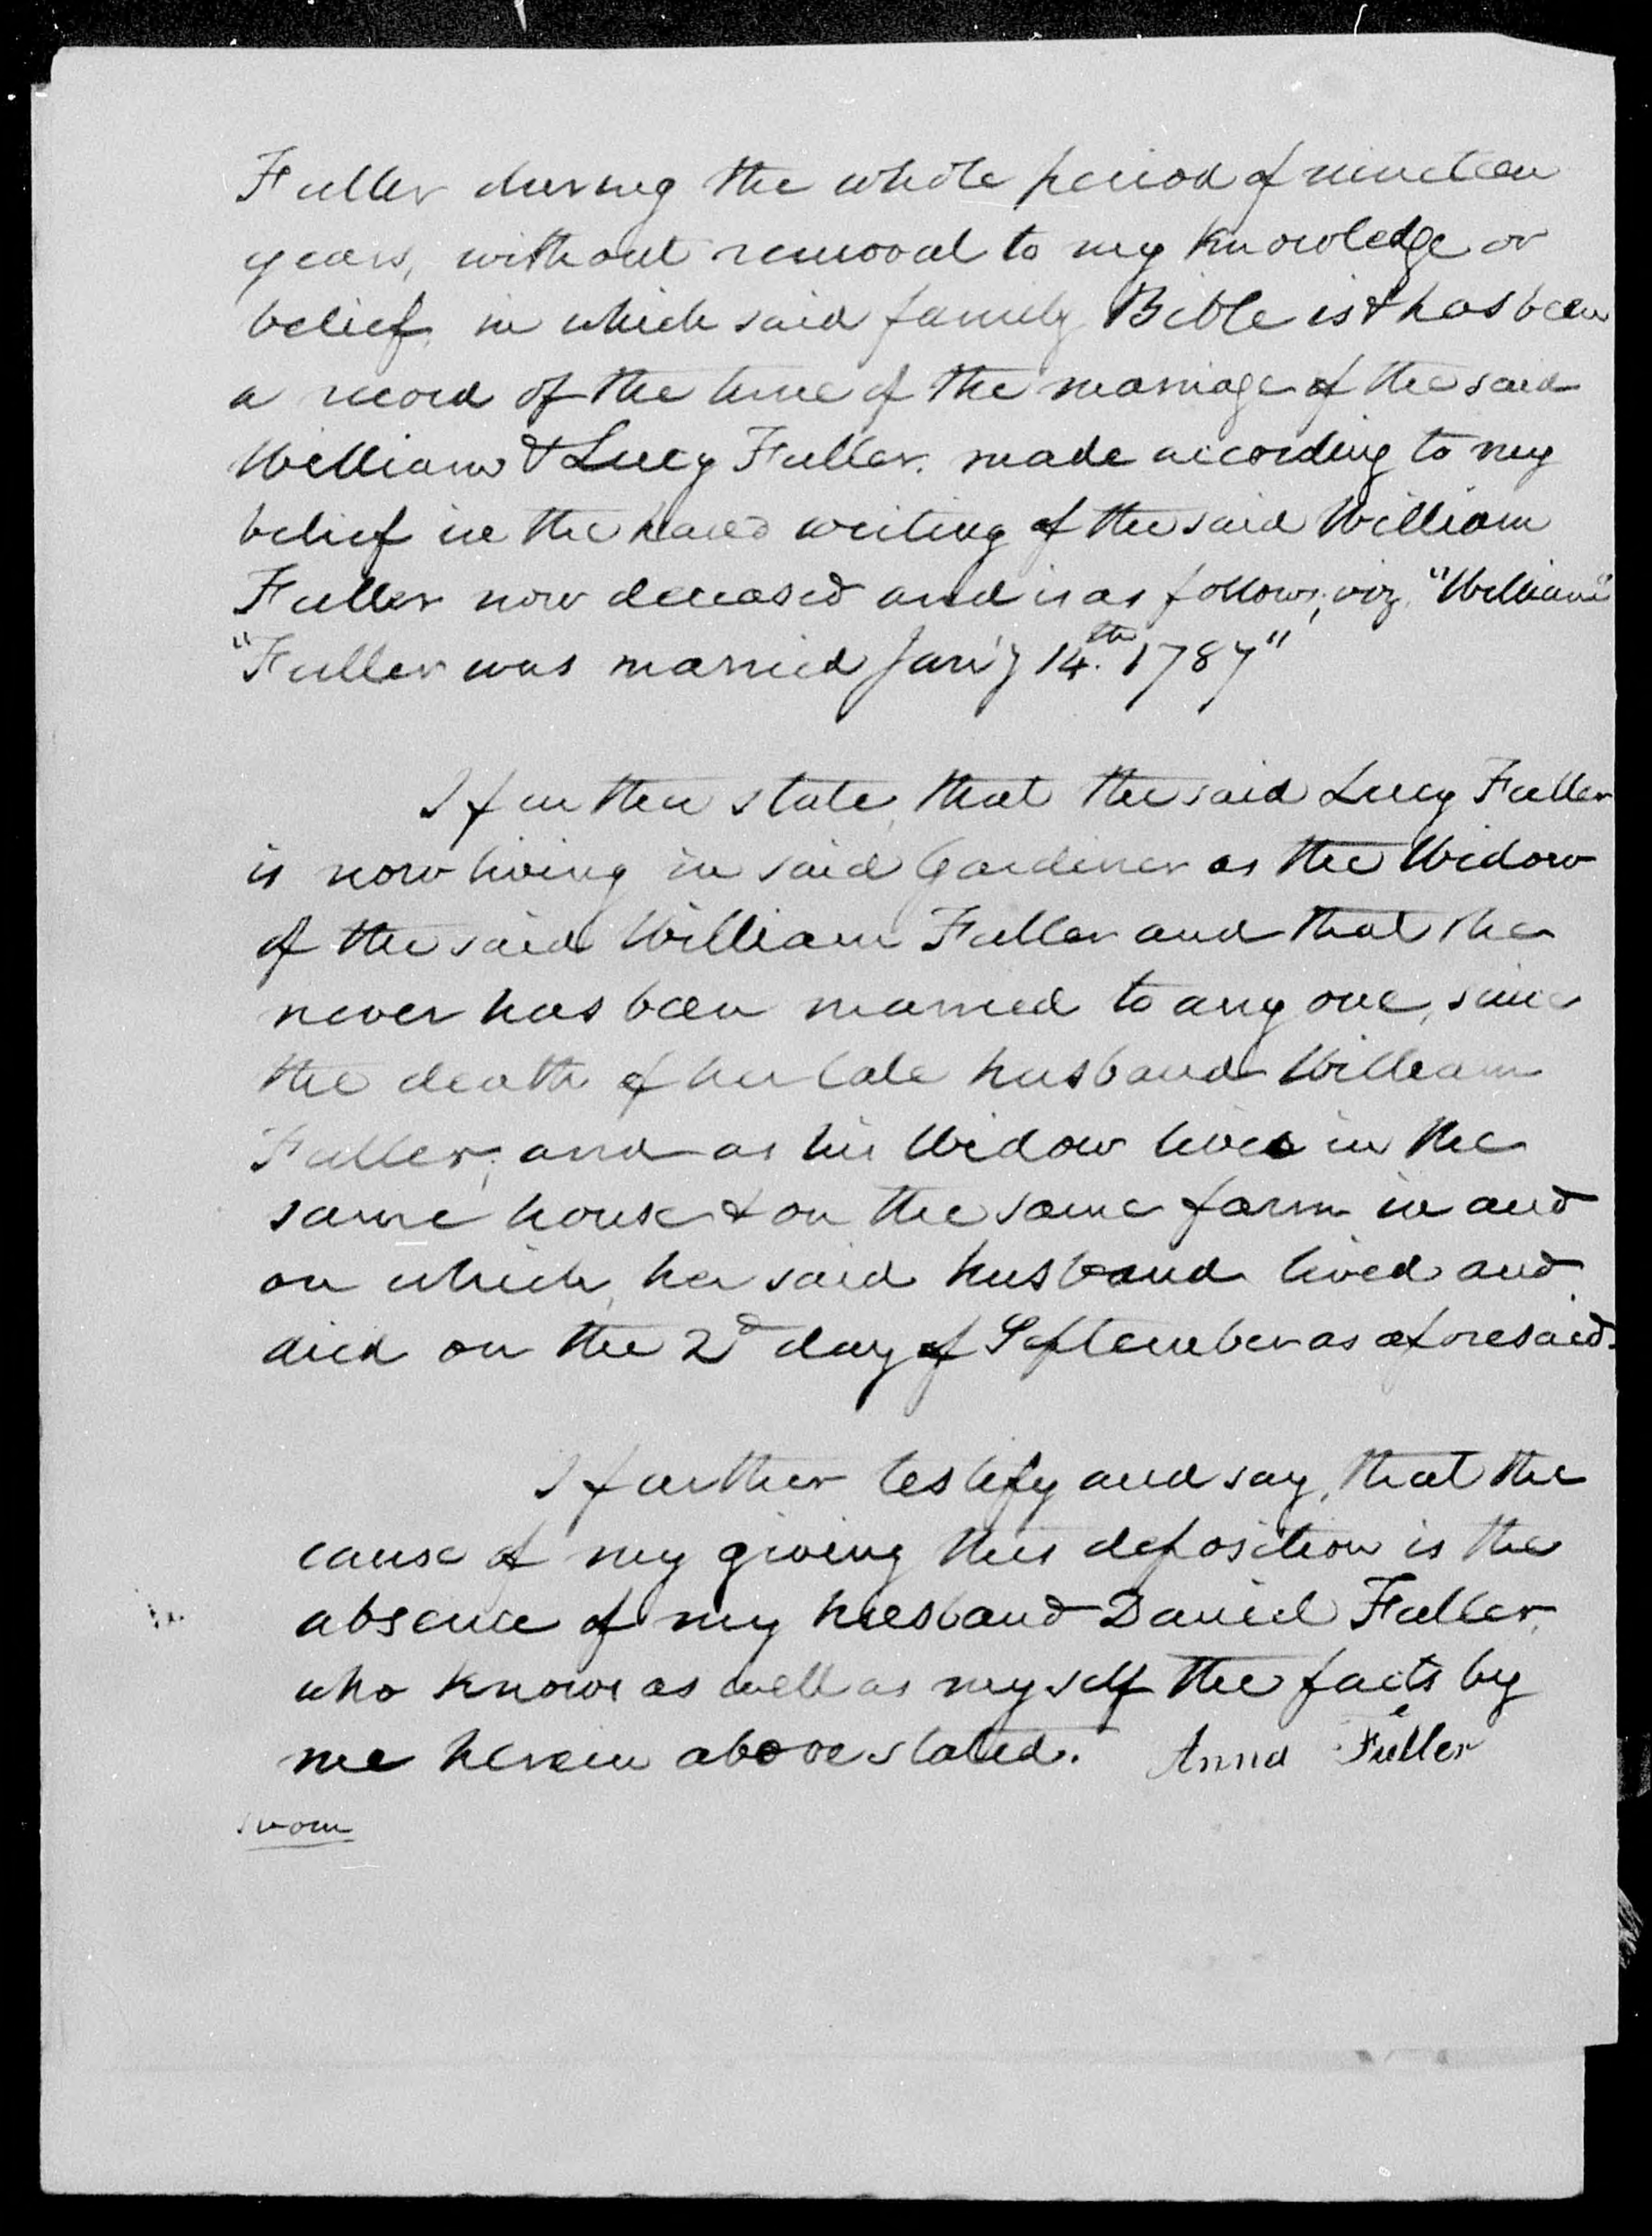Fuller during the whole period of nineteen years, without removal to my knowledge or belief in which said family Bible is & has been a record of the time of the marriage of the said William & Lucy Fuller made according to my belief in the handwriting of the said William Fuller now deceased and is as follows, viz. “William” “Fuller was married Jan’y 14th 1787”
I further state, that the said Lucy Fuller is now living in the said Gardiner as the Widow of the said William Fuller and that she never has been married to anyone, since the death of her late husband William Fuller, and has as his Widow lives in the same house & on the same farm in and on which her said husband lived and died on the 2nd day of September as aforesaid.
I further testify and say, that the cause of my giving this deposition is the absence of my husband Daniel Fuller, who knows as well as myself the facts by me herein above stated. Anna Fuller
sworn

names: Lucy Fuller, Daniel Fuller, Lucy Fuller, William Fuller, William Fuller, Fuller, William Fuller, Anna Fuller, William Fuller, William Fuller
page: 12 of 45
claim: widow's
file: W. 17933, William Fuller, Mass